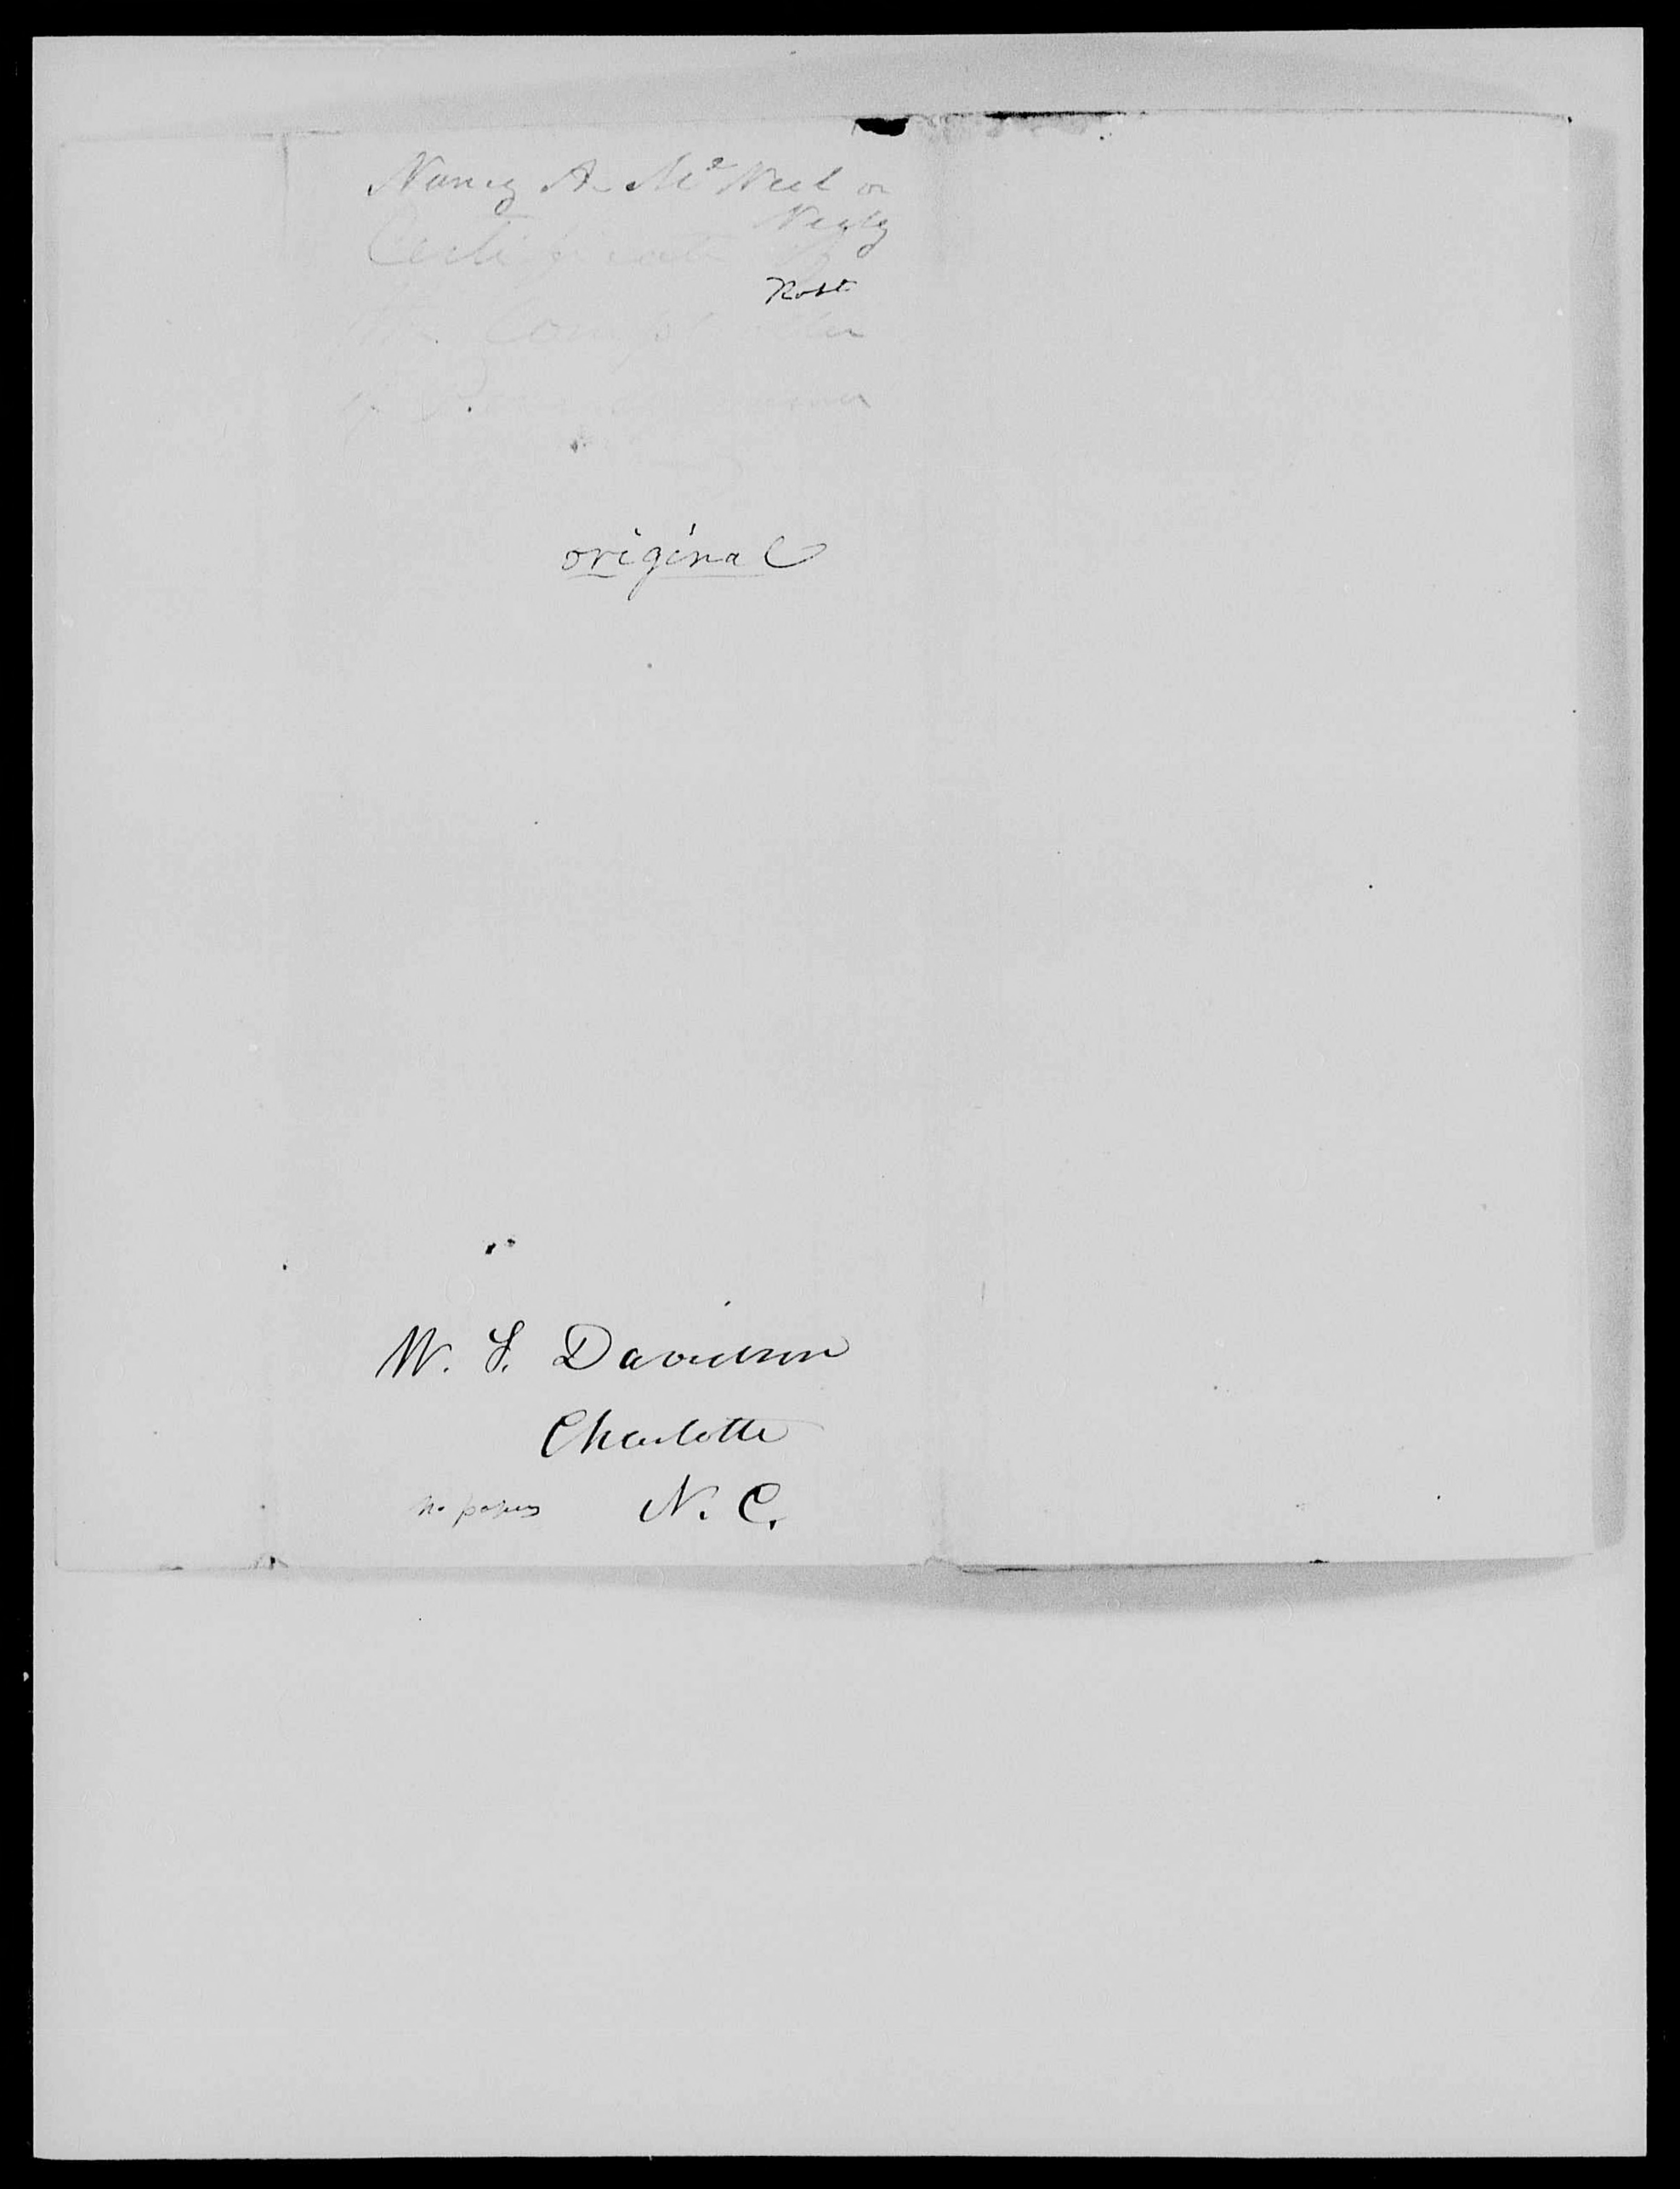Nancy A. McNeel or Neely
Certificate 
Robt
Comptroller
[illegible - ink faded]

original

W. L.
Davidson
Charlotte
N. C.
No papers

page: 4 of 13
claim: rejected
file: R. 6801, for Robert Mc Neely, Pennsylvania